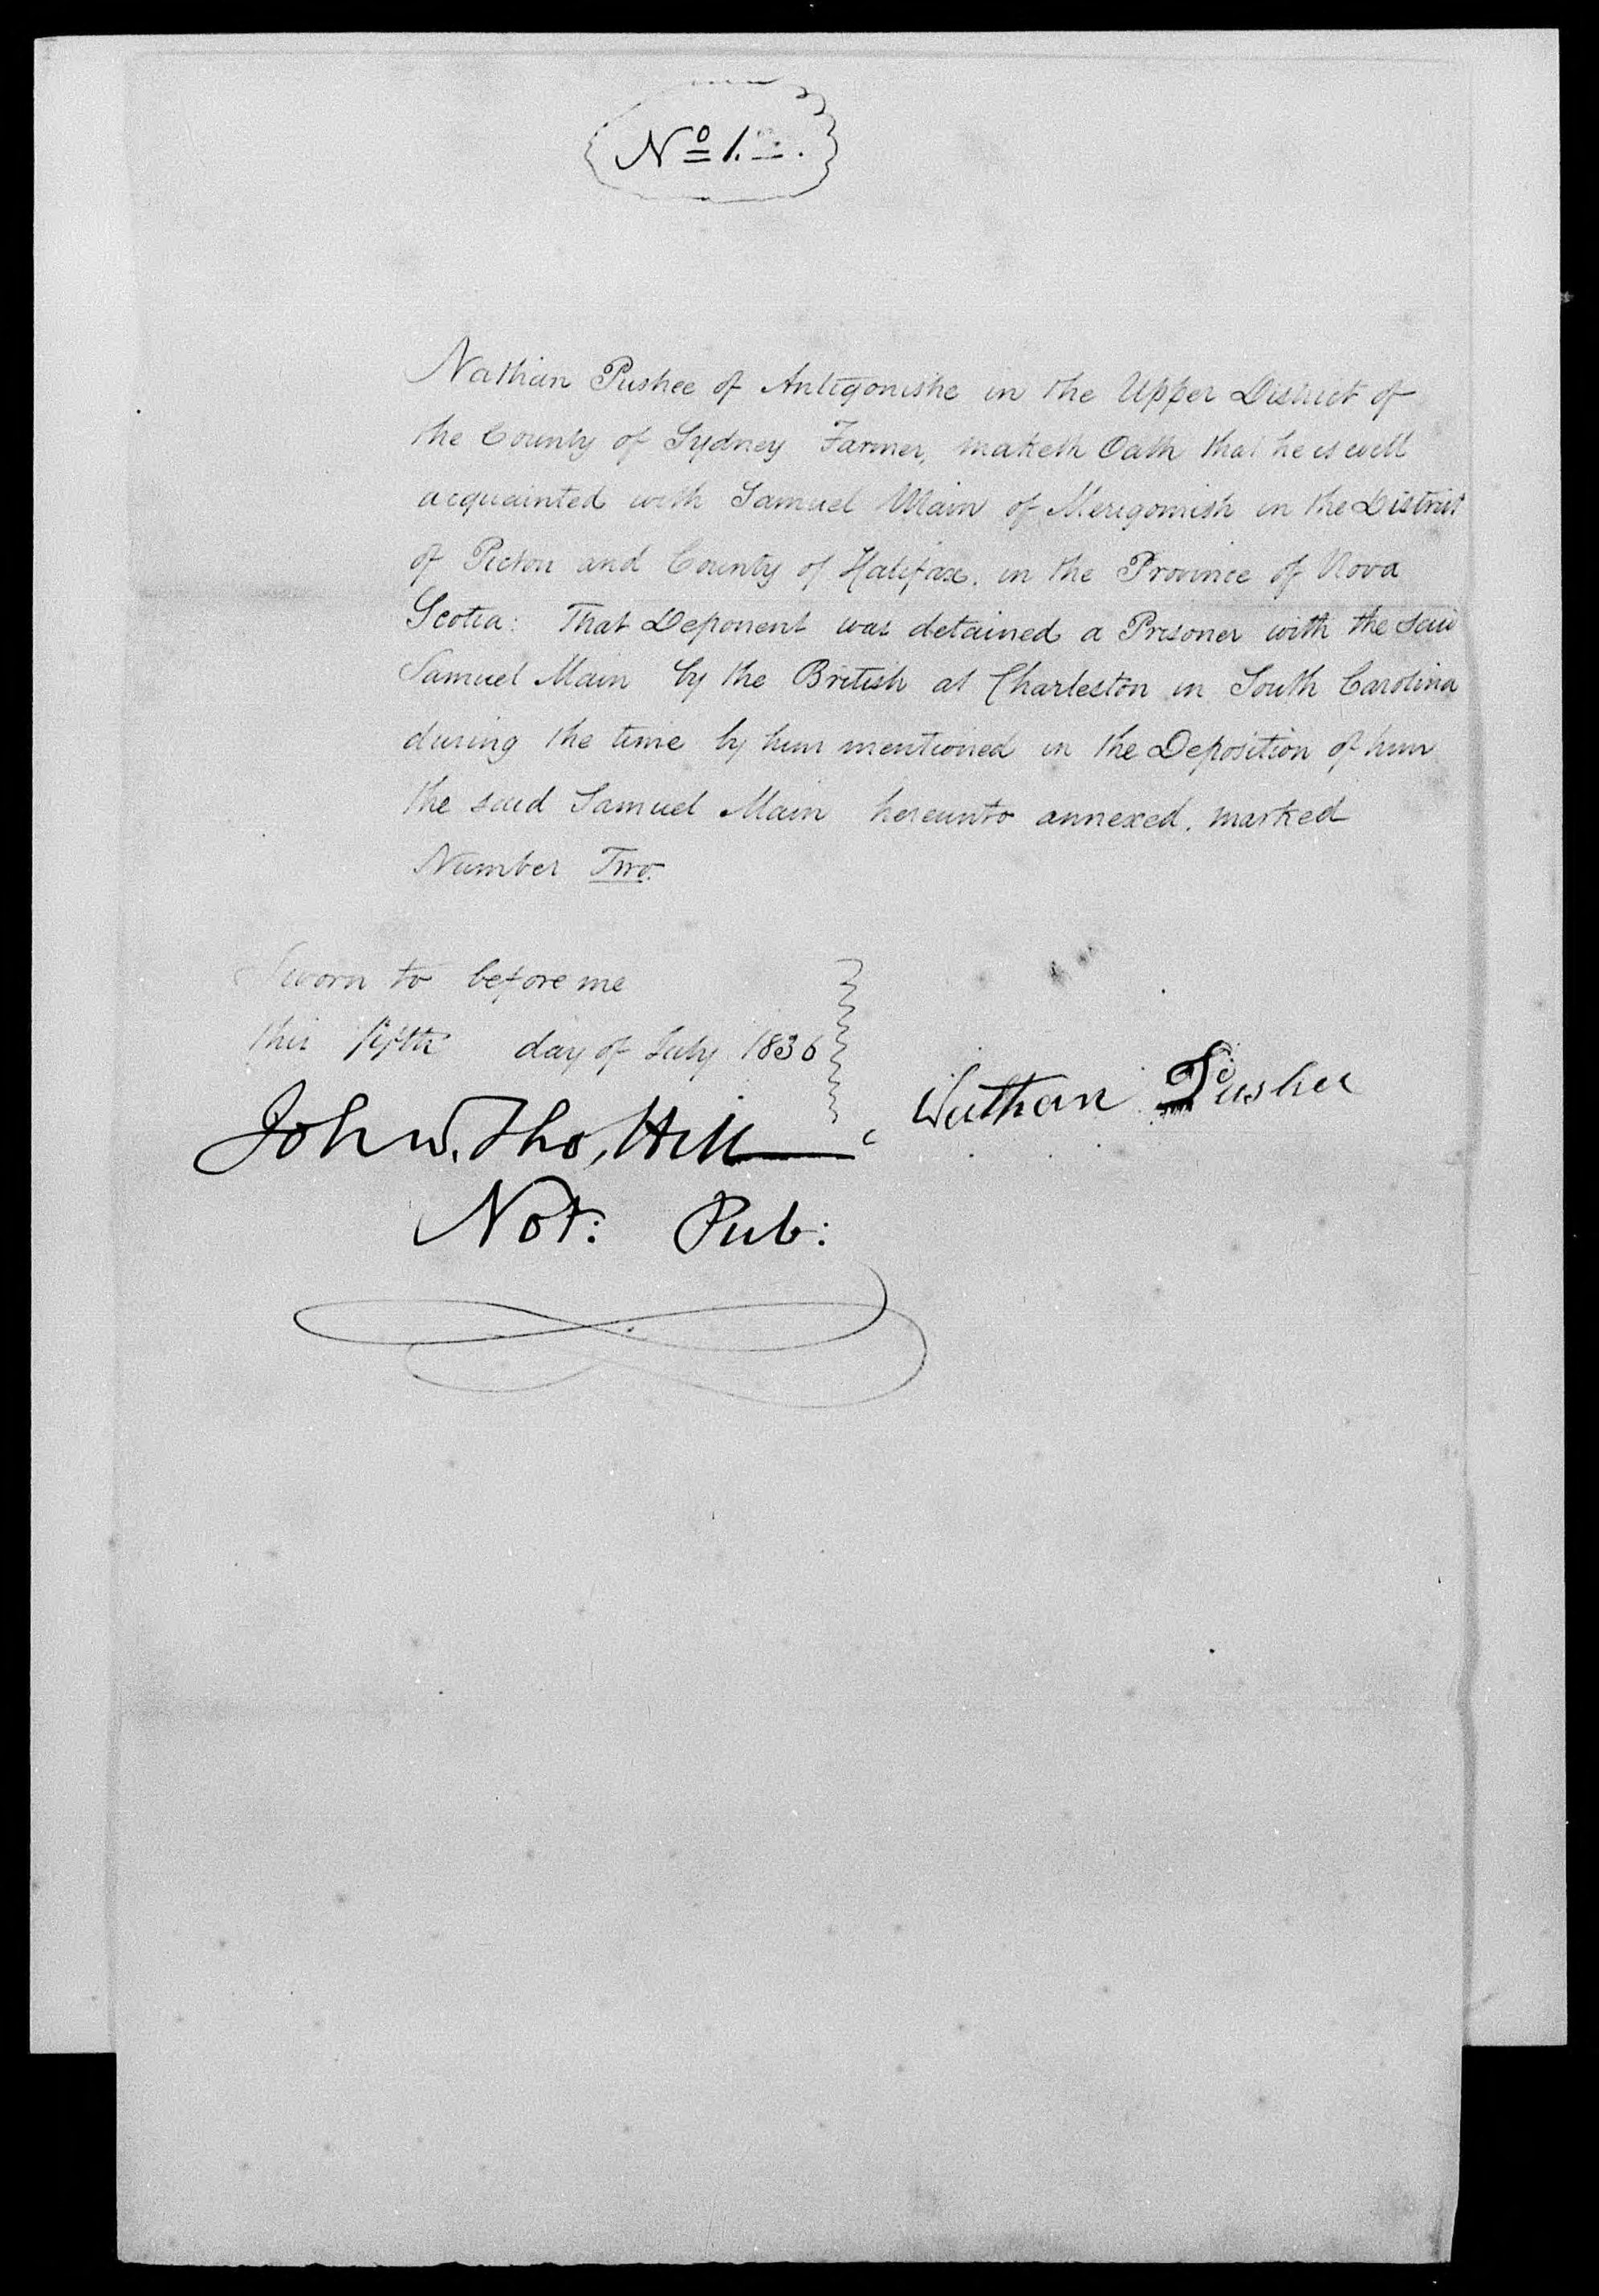[hand drawn cloud around the words: No: 1.[illegible]]

Nathan Pushee of Antigonishe in the Upper District of
the County of Sydney Farmer, maketh oath that he is well
acquainted with Samuel Main of Merigomish in the District
of Pictou and County of Halifax in the Province of Nova
Scotia: That Deponent was detained a Prisoner with the said
Samuel Main by the British at Charleston in South Carolina
during the time by him mentioned in the Deposition of him
the said Samuel Main hereunto annexed marked
Number Two.

Nathan Pushee

Sworn to before me
this fifth day of July 1836
John Toh Hill
Not: Pub:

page: 8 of 11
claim: rejected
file: R 6837, for Samuel Mains, Maryland